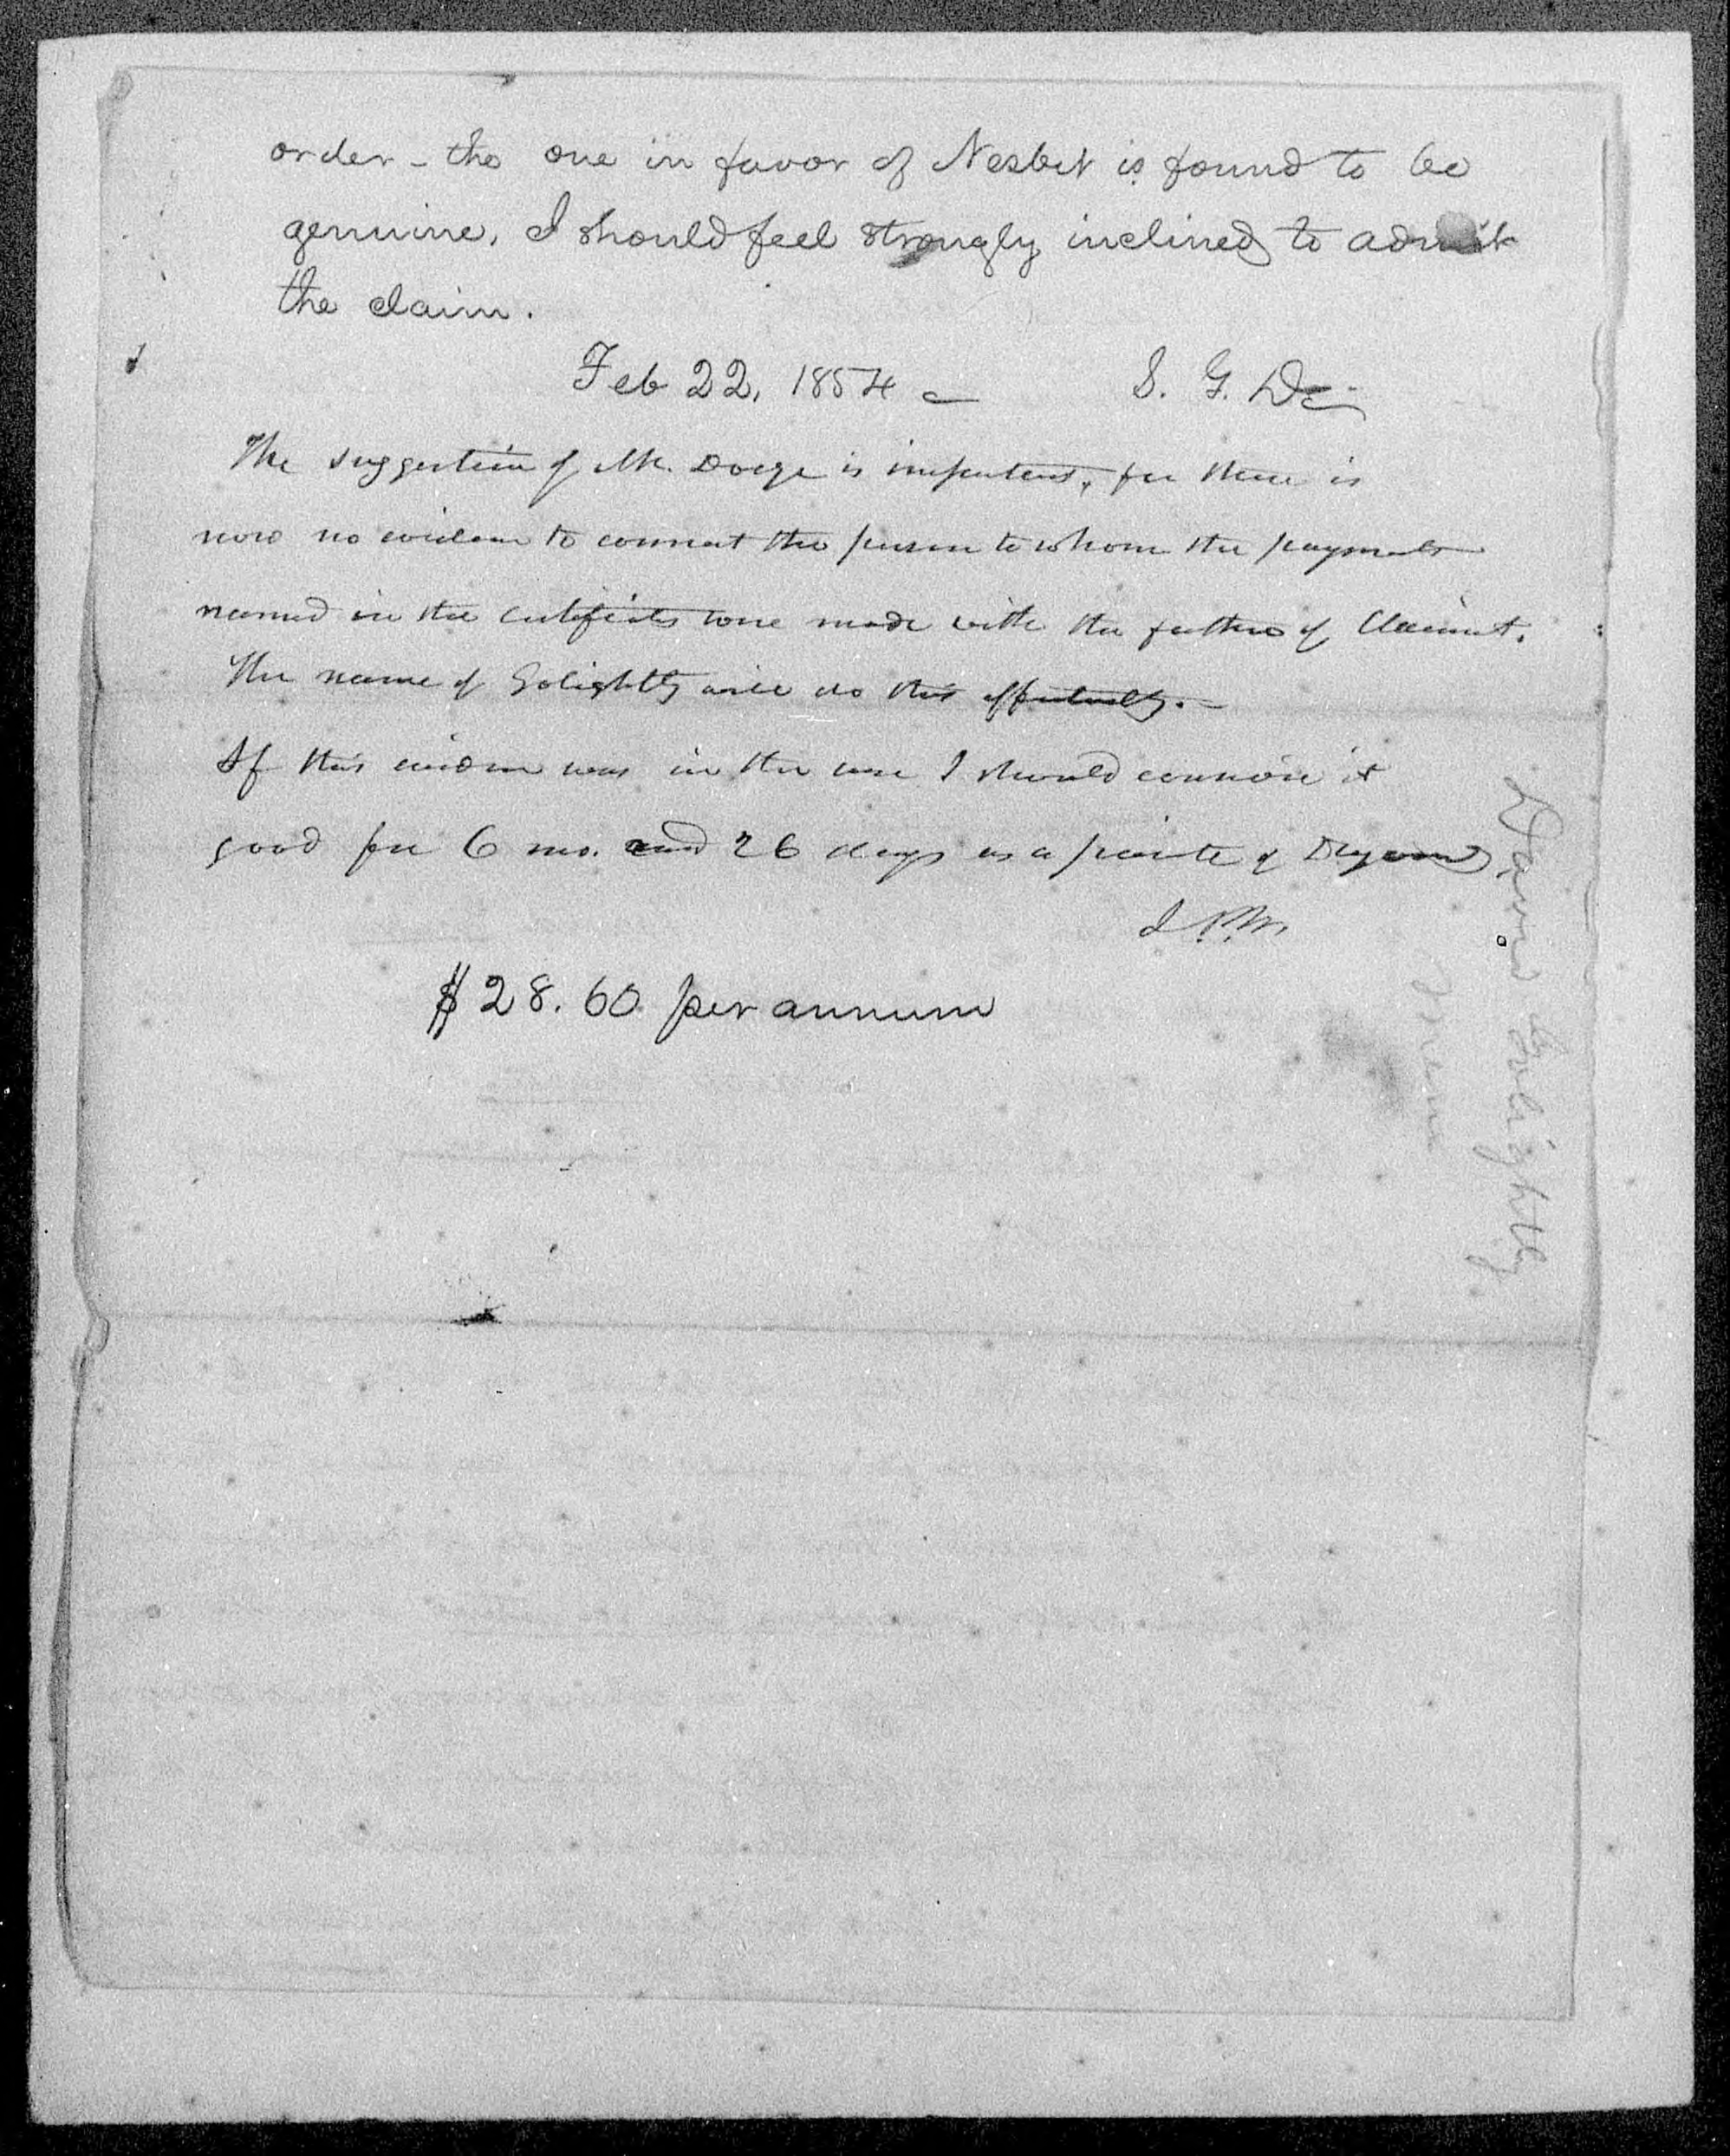Page 2

order - the one in favor of Nesbet is found to be genuine, I should feel strongly inclined to admit the claim.

    Feb 22, 1854 - S.G. D.

  The suggestion of Mr. Dodge is imputes, for there is now no widow to commute the pension to whom the paymaster named in the certificates were made with the father of claimant.

   The name Golightly will do this efficiently.  If this widow was in their care I would consider it good for 6 mo. and 26 days as a private of Dragoons.  

$28.60 per annum

David Golightly
Private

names: Docye, Nesbit, David Golightly, Golightly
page: 25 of 57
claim: survivor's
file: S. 18888, David Golightly, S.C.